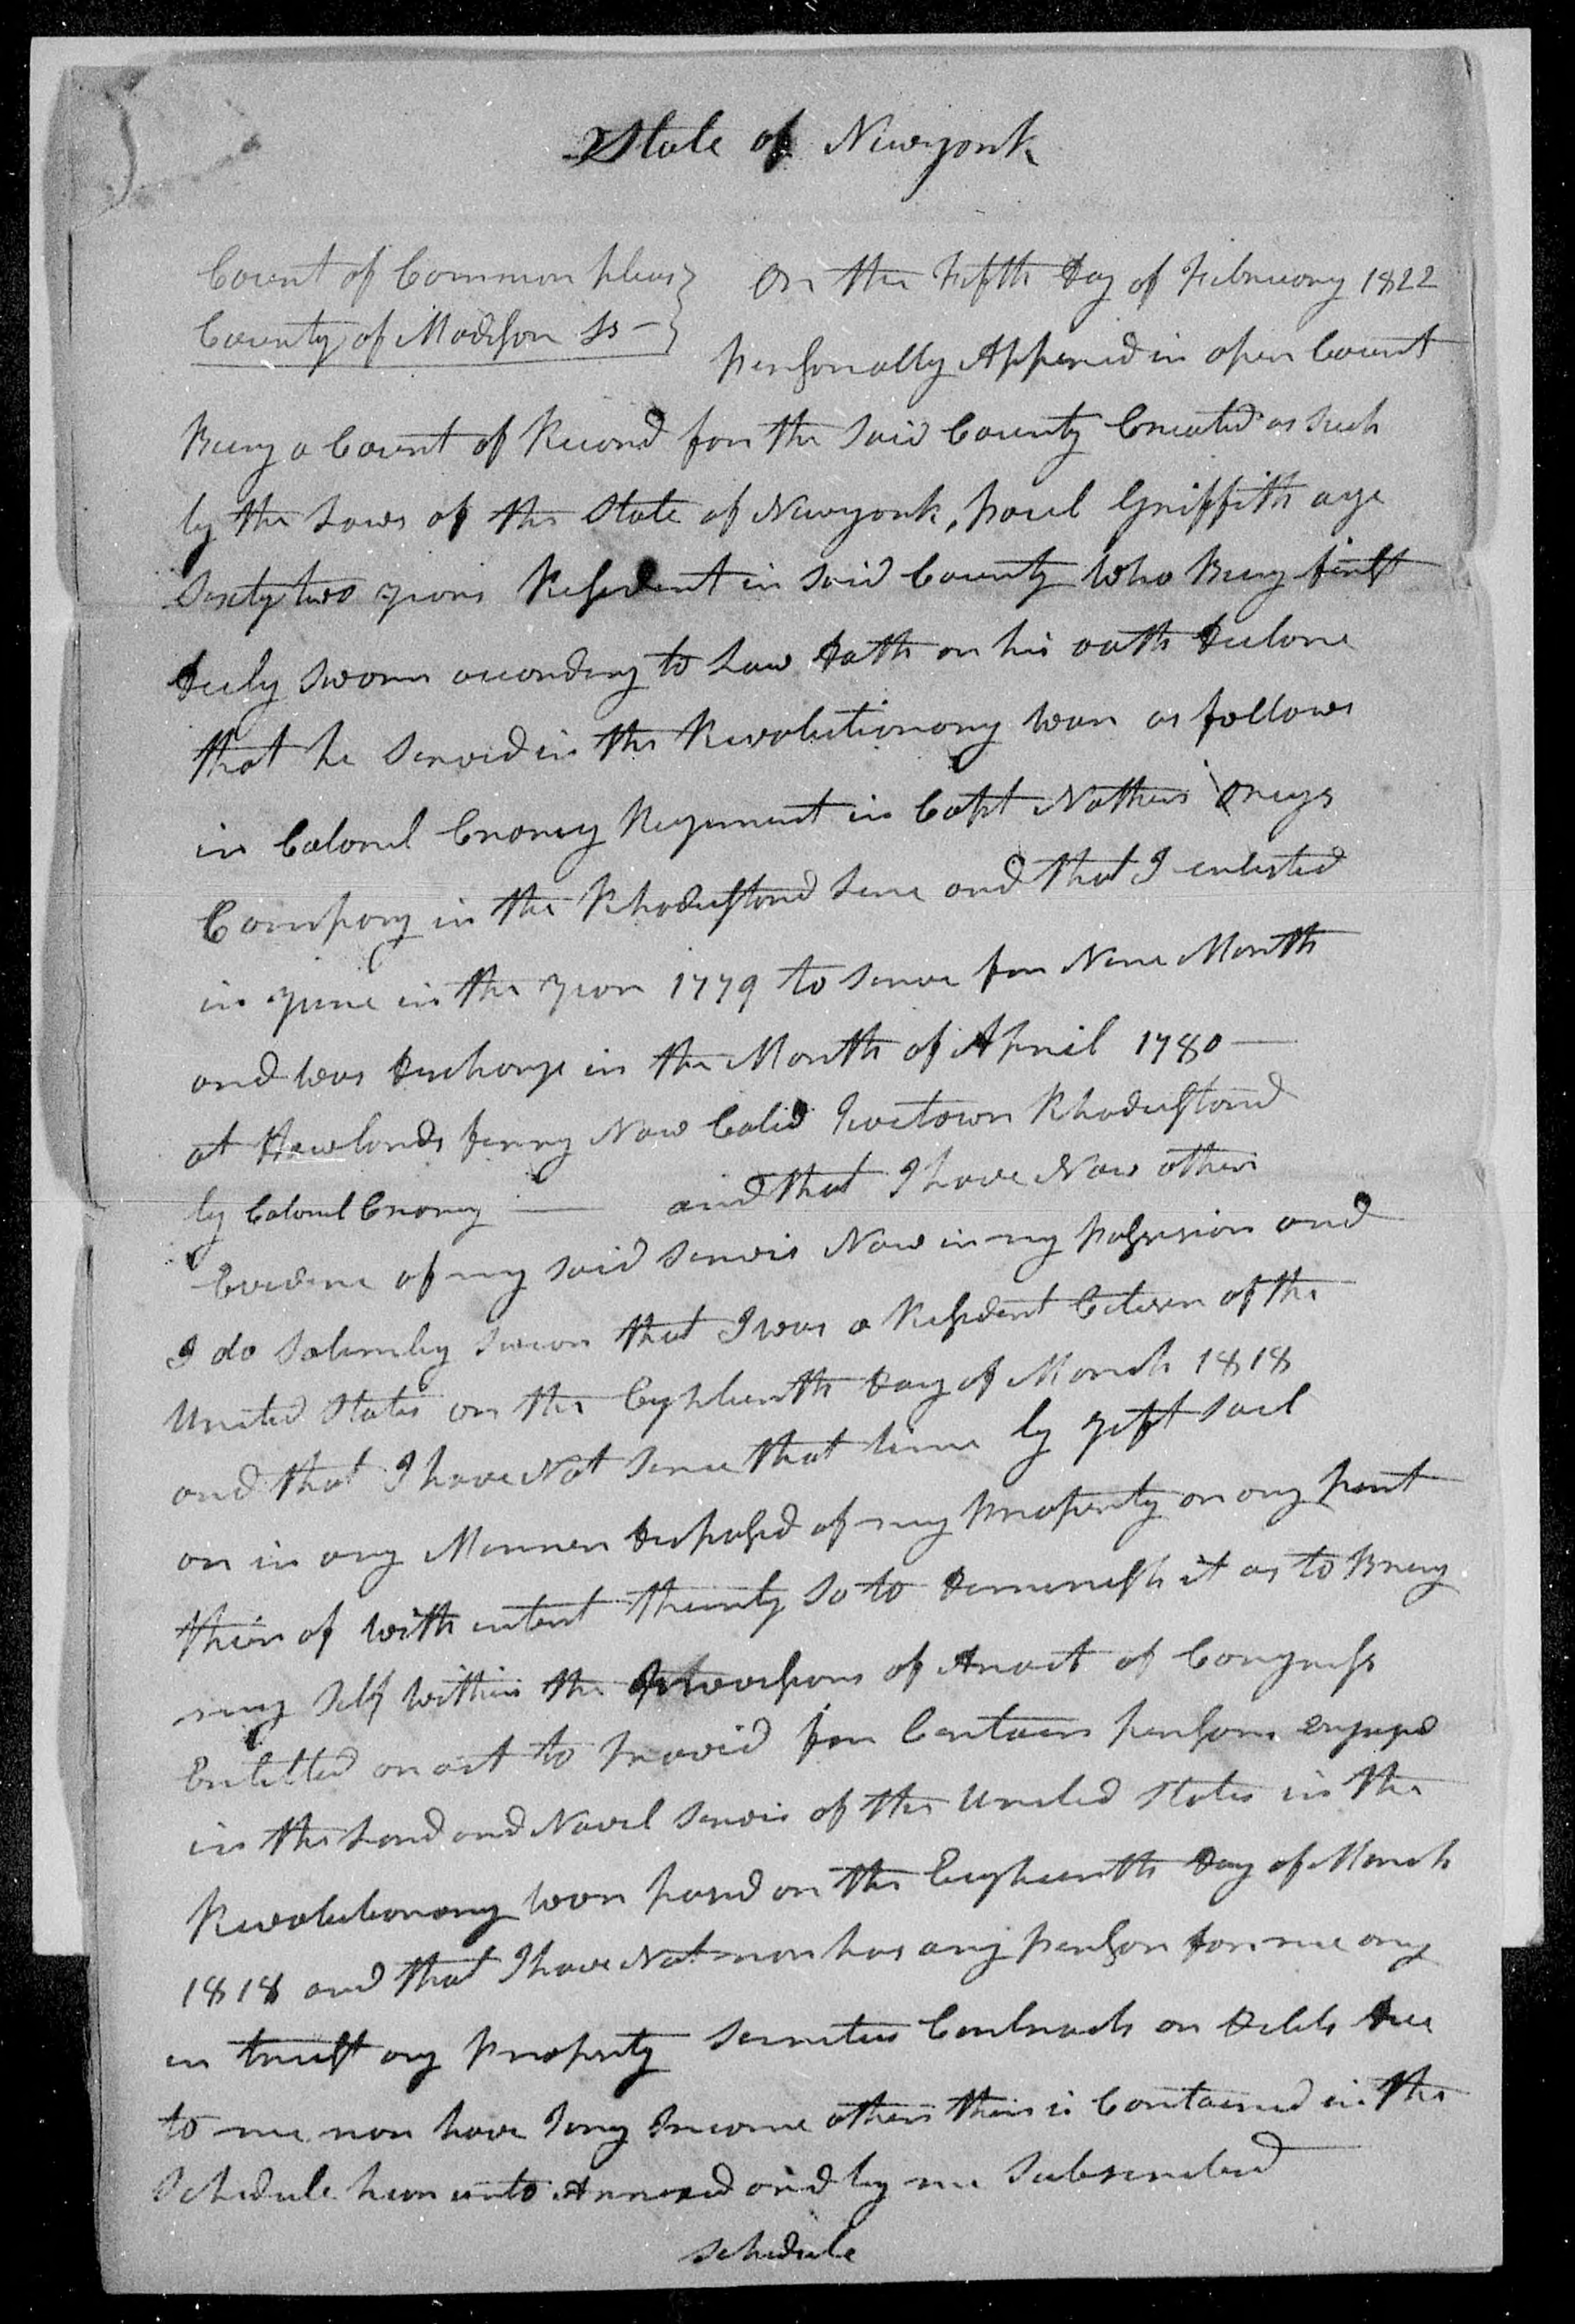State of New York

Court of Common Pleas, County of Madison ss.

On the fifth day of February, 1822, personally appeared in open Court, being a Court of Record for the said County created as such by the laws of the State of New York, Paul Griffith, age seventy two years, resident in said County who being first duly sworn according to law saith on his oath sworn that he served in the Revolutionary War as follows: in Colonel Crary's regiment in Capt Nathan Olney's company in the Rhode Island Line and that I enlisted in June in the year 1779 to same for nine months and was discharged in the month of April 1780 - at Howland Ferry now called Tivertown, Rhode Island, by Colonel Crary - and that I have now other evidence of my said service now in my possession and I do solemnly swear that I was a Resident Citizen of the United States on the eighteenth day of March, 1818, and that I have not since that time by gift, sale, or in any manner disposed of my property on any ? their of with intent thereby so to diminish it or to bring myself within the provisions of An Act of Congress entitled an act to provide for certain persons engaged in the land and navel tours of the United States in the Revolutionary War passed on the eighteenth day of March, 1818, and that I have not nor has any person for me any in trust any property  contracts, or debt owed to me nor have I any income other than is contained in this schedule hereunto annexed any by me subscribed schedule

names: Paul Griffith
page: 10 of 61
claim: survivor's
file: S. 22798, Paul Griffiths, R.I.